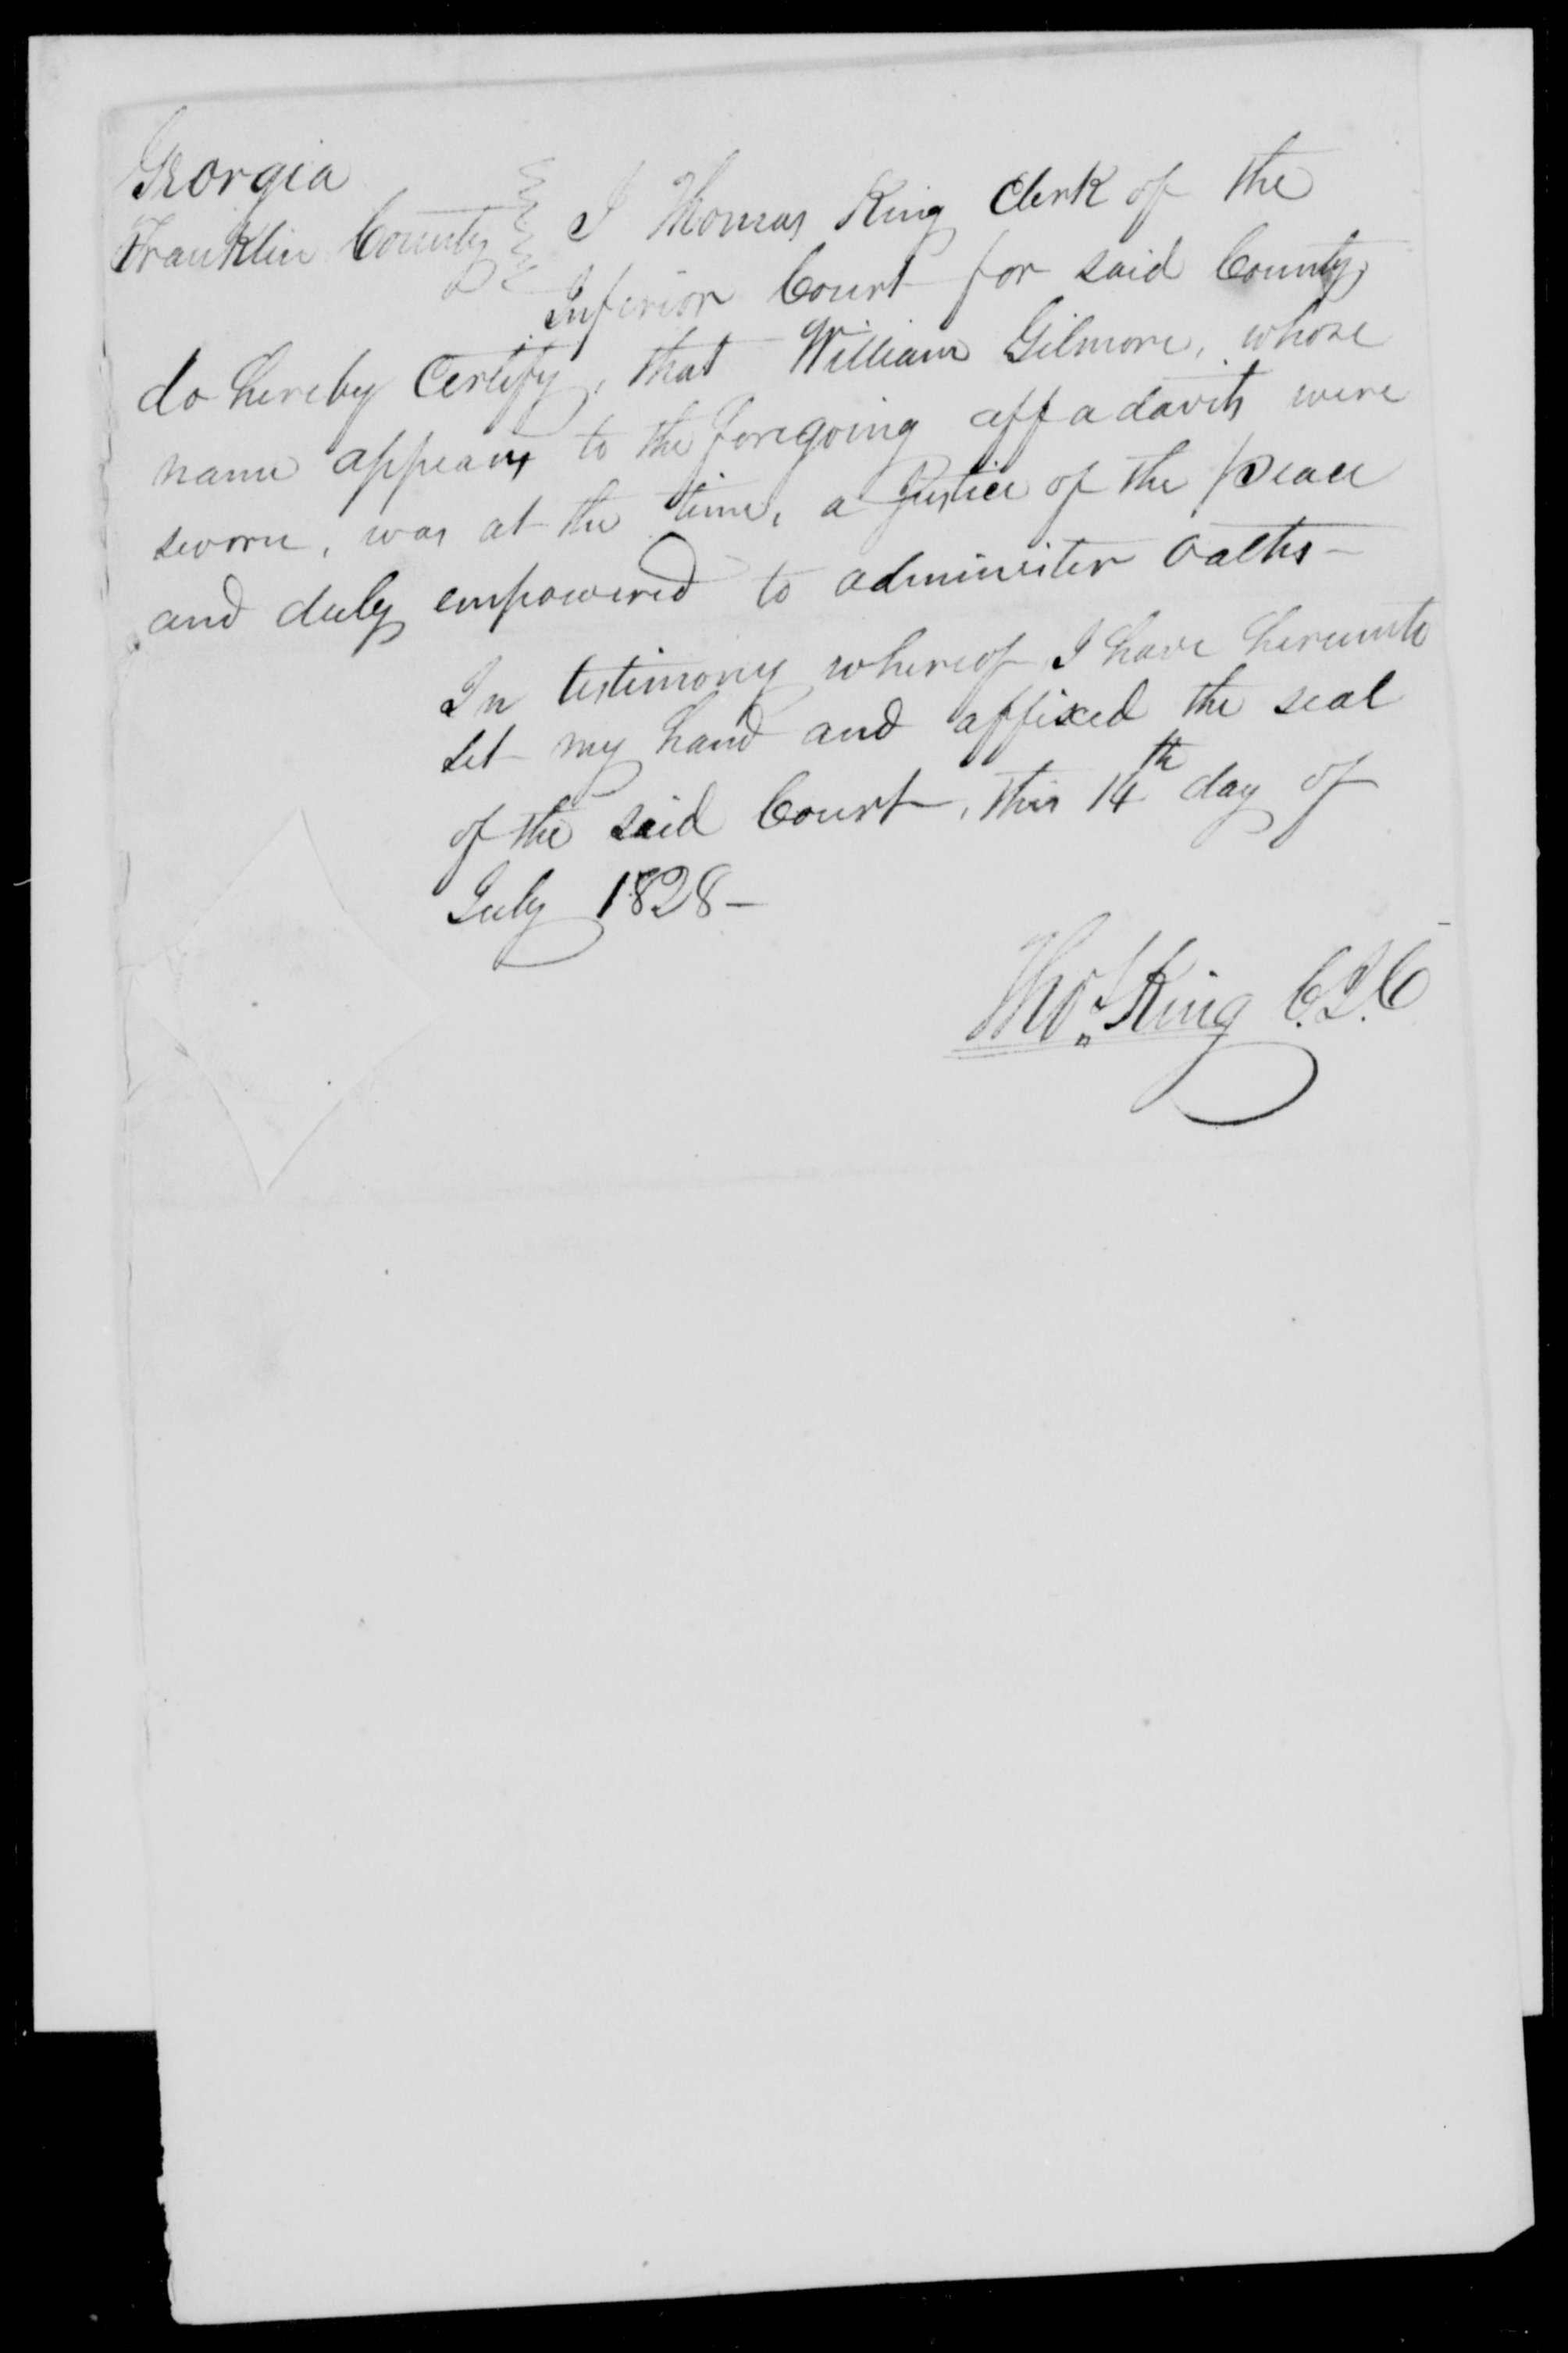Georgia 
Franklin County
I Thomas King Clerk of the 
inferior Court for said county
do hereby certify the William Gilmore, whose
name Appears to the foregoing affadavith were 
sworn, was at the time a Putics of the peace
 and duly empowered to administer oaths
In testimony whereof I have hereunto 
let my hand and affisced the seal
of the said court, this 14th day of July 1828
Tho. King 6.2.6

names: Thomas King, William Gilmore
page: 4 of 23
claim: rejected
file: R. 20,446, Benjamin Welch, Ga.